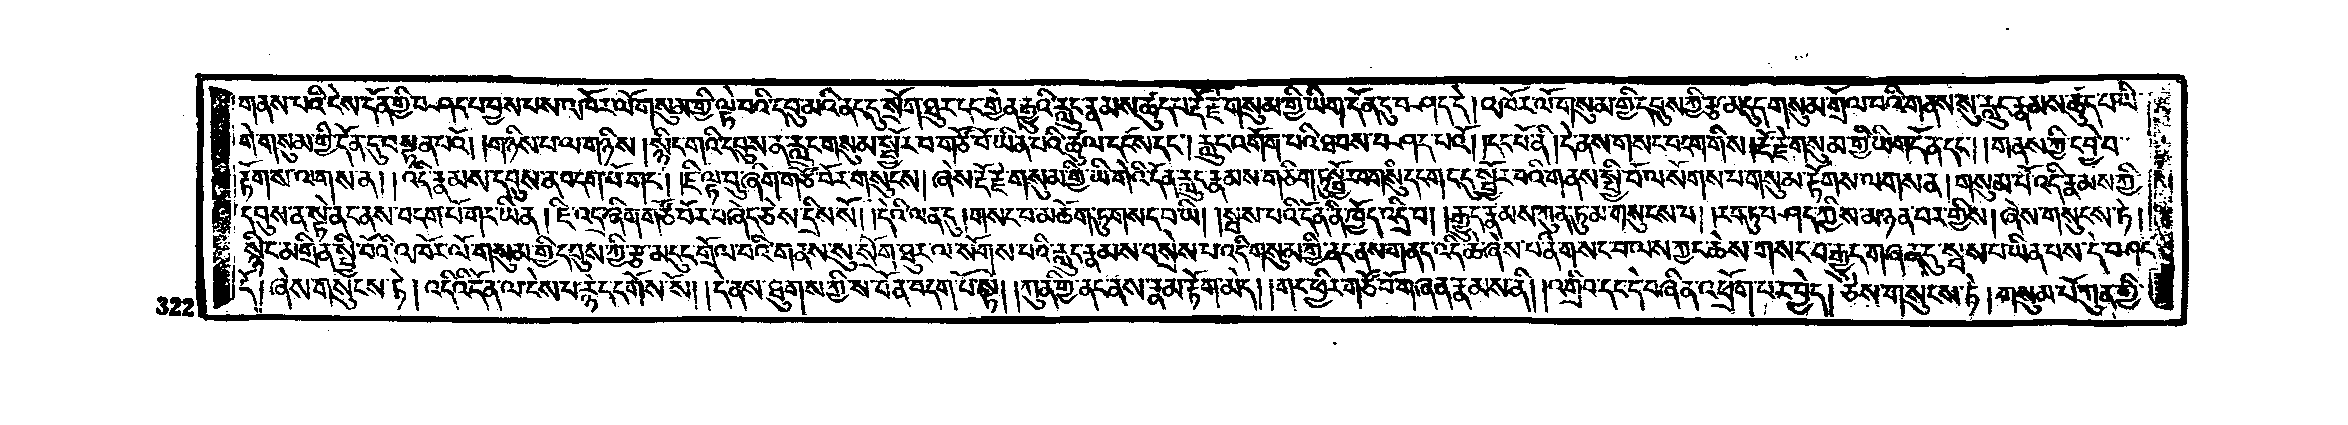གནས་པའི་ངེས་དོན་གྱི་བཤད་པ་བྱས་པས་འཁོར་ལོ་གསུམ་གྱི་ལྟེ་བའི་དབུ་མའི་ནང་དུ་སྲོག་ཐུར་དང་གྱེན་རྒྱུའི་རླུང་རྣམས་ཚུད་པ་རྡོ་རྗེ་གསུམ་གྱི་ཡིག་དོན་དུ་བཤད་དེ། འཁོར་ལོ་གསུམ་གྱི་དབུས་ཀྱི་རྩ་མདུད་གསུམ་གྲོལ་བའི་གནས་སུ་རླུང་རྣམས་ཚུད་པ་ཡི་
གེ་གསུམ་གྱི་དོན་དུ་བསྟན་པའོ། །གཉིས་པ་ལ་གཉིས། སྙིང་གའི་དབུས་ན་རླུང་གསུམ་སྦྱོར་བ་གཙོ་བོ་ཡིན་པའི་ཚུལ་དངོས་དང་། རླུང་འགོག་པའི་ཐབས་བཤད་པའོ། །དང་པོ་ནི། དེ་ནས་གསང་བདག་གིས། རྡོ་རྗེ་གསུམ་གྱི་ཡིག་དོན་དང་། །གནས་ཀྱི་དབྱེ་བ་
རྟོགས་ལགས་ན། །འདི་རྣམས་དབུས་ན་བདག་པོ་གང་། །ཇི་ལྟ་བུ་ཞིག་གཙོ་བོར་གསུངས། ཞེས་རྡོ་རྗེ་གསུམ་གྱི་ཡི་གེའི་དོན་རླུང་རྣམས་གཅིག་ཏུ་སྦྱོར་བ་གསུམ་དང་གང་དུ་སྦྱོར་བའི་གནས་སྤྱི་བོ་ལ་སོགས་པ་གསུམ་རྟོགས་ལགས་ན། གསུམ་པོ་འདི་རྣམས་ཀྱི་
དབུས་ན་སྟེ་ནང་ནས་བདག་པོ་གང་ཡིན། ཇི་འདྲ་ཞིག་གཙོ་བོར་བཞེད་ཅེས་དྲིས་སོ། །དེའི་ལན་དུ། གསང་བ་མཆོག་ཏུ་གསང་བ་ཡི། །སྦས་པའི་དོན་ནི་ཁྱོད་འདྲི་བ། །རྒྱུད་རྣམས་ཀུན་ཏུ་མ་གསུངས་པ། །རབ་ཏུ་བཤད་ཀྱིས་མཉན་པར་གྱིས། ཞེས་གསུངས་ཏེ།
སྙིང་མགྲིན་སྤྱི་བོའི་འཁོར་ལོ་གསུམ་གྱི་དབུས་ཀྱི་རྩ་མདུང་གྲོལ་བའི་གནས་སུ་སྲོག་ཐུར་ལ་སོགས་པའི་རླུང་རྣམས་བསྲེས་པ་འདི་གསུམ་གྱི་ནང་ནས་གནད་འདི་ཚེ་ཞེས་པ་ནི་གསང་བ་ལས་ཀྱང་ཆེས་གསང་བ་རྒྱུད་གཞན་དུ་སྦས་པ་ཡིན་པས་དེ་བཤད་
དོ། །ཞེས་གསུངས་ཏེ། འདིའི་དོན་ལ་ངེས་པ་རྙེད་དགོས་སོ། །དེ་ནས་ཐུགས་ཀྱི་ས་བོན་བདག་པོ་སྟེ། །ཀུན་གྱི་ནང་ནས་རྣམ་རྟོག་མེད། །གང་ཕྱིར་གཙོ་བོ་གཞན་རྣམས་ནི། །འགྲིབ་དང་དེ་བཞིན་འཕྲོག་པར་བྱེད། ཅེས་གསུངས་ཏེ། གསུམ་པོ་ཀུན་གྱི་